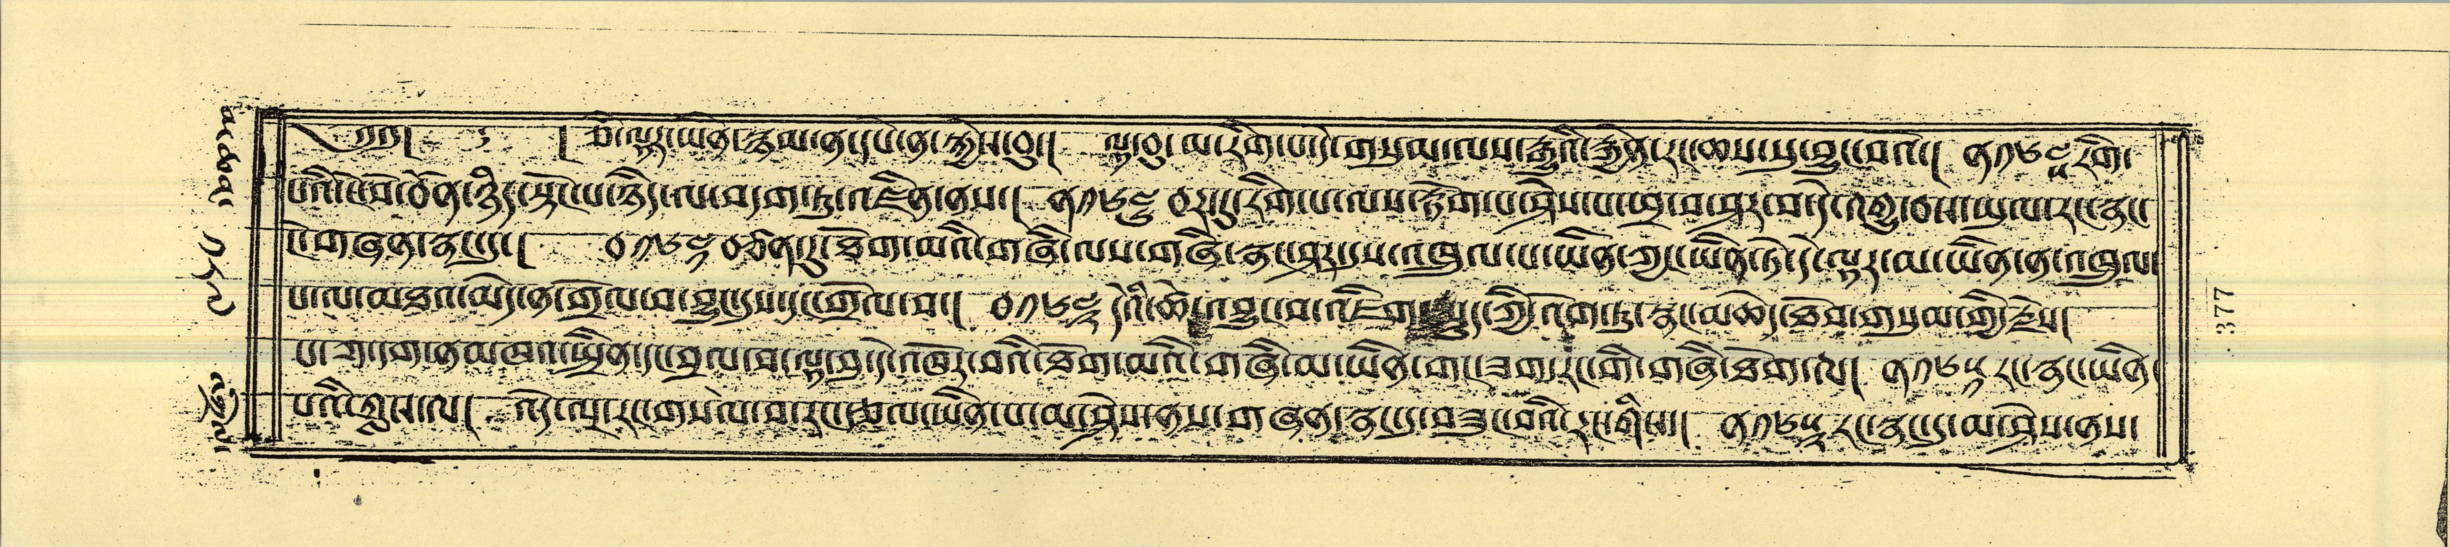ཅི་ལྟར་ཡིན་སྙམ་ན་དཔེ་ན་༼སྐྱེས་བུ།༽ ༼ལྟ་བུ་༽མ་རིག་པ་དེ་གསུམ་ལས་རྒྱུའི་རྐྱེན་རང་ཆས་སུ་བྱུང་བའོ། ན༡༦༤།༥ རིག་
པའི་ངོ་བོ་ ༼བོན་ཉིད་༽སྟོང་པ་ཉིད་ལ་བདག་ཏུ་འཛིན་ནས། ན༡༦༤།༦ ༼བར་དུ་༽རིག་པ་ལས་རྟོག་པ་ཤེས་པ་ཕྲ་བ་ཤར་བ་ ༼དེ་འགྱུ་བས་༽ཡུལ་རང་སྣང་
ངོ་གཞན་སྣང་དུ། བ༡༦༤།༡ ༼བཙན་དུ་༽ཐོག་མའི་གཞི་ལས་གཞི་སྣང་ཤར་དུས་འཁྲུལ་པ་ཡིན་ཀྱང་ཡིན་ཏེ་དེ་ལྟར་མ་ཡིན་ན་འཁྲུལ་
པ་ལ་མཐའ་མེད་ན་གྲོལ་བ་བྱུང་དུས་དང་གྲོལ་བ། བ༡༦༤།༢ ༼དེའི་ཚེ་༽འབྱུང་བ་འཛིན་སྡུད་ཀྱི་འོག་ཏུ་སྣང་མཆེད་ཐོབ་གསུམ་གྱི་རྗེས། 
པ་ཀ་དག་ནམ་མཁའ་སྤྲིན་དང་བྲལ་བ་ལྟ་བུ་དེ་འཁོར་བའི་ཐོག་མའི་གཞི་མ་ཡིན་གང་ཟག་རང་གི་གཞི་ཐོག་ ༼ལ།༽ན༡༦༥།༡ རང་སྣང་ཡིན་
པའི་ ༼ཀླས་ལ།༽འོད་ལྔ་རང་གསལ་བ་རང་རྩལ་ཡིན་པ་མ་ཤེས་ནས་གཞན་སྣང་དུ་བཟུང་བའི་ ༼རང་གིས།༽ན༡༦༥།༢ རང་སྣང་དུ་མ་ཤེས་ནས་